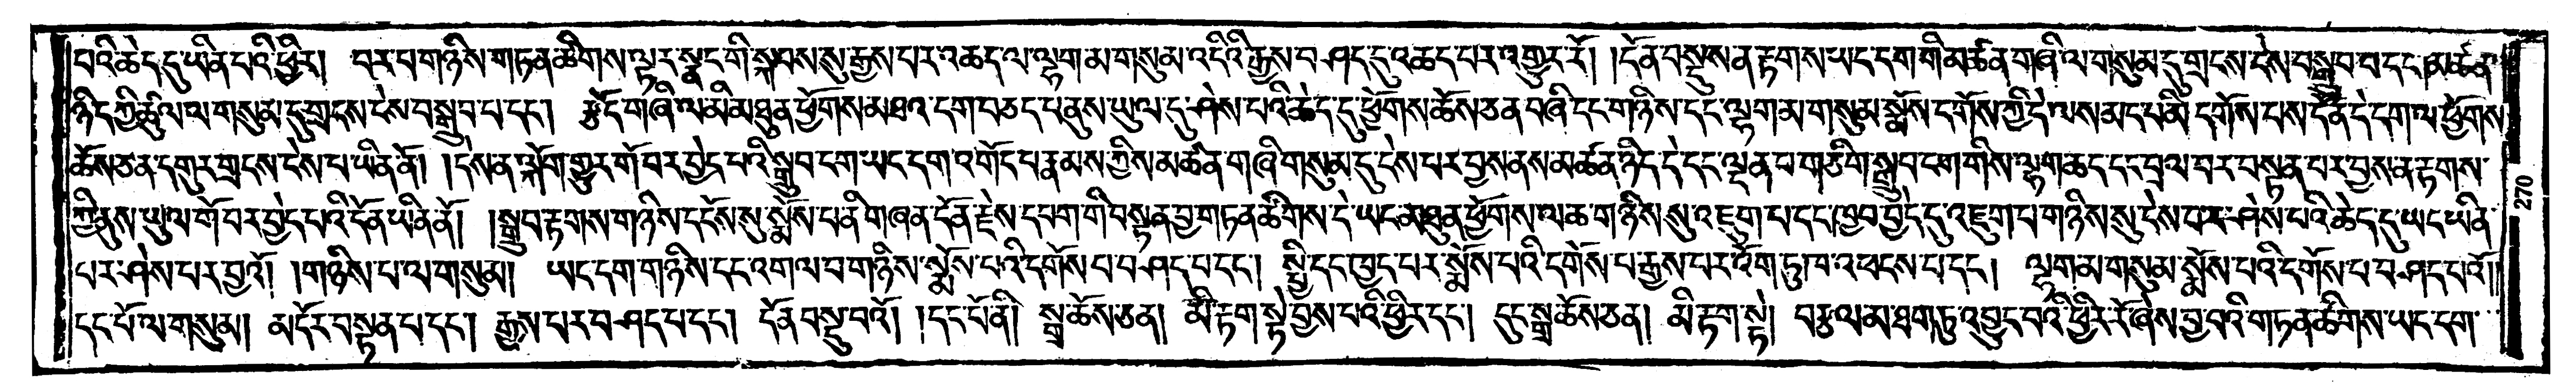བའི་ཆེད་དུ་ཡིན་པའི་ཕྱིར། བར་པ་གཉིས་གཏན་ཚིགས་ལྟར་སྣང་གི་སྐབས་སུ་རྒྱས་པར་འཆད་ལ་ལྷག་མ་གསུམ་འདིའི་རྒྱས་བཤད་དུ་འཆད་པར་འགྱུར་རོ། །དོན་བསྡུས་ན་རྟགས་ཡང་དག་གི་མཚན་གཞི་ལ་གསུམ་དུ་གྲངས་ངེས་བསྒྲུབ་བ་དང་། མཚན་
ཉིད་ཀྱི་ཚུལ་ལ་གསུམ་དུ་གྲངས་ངེས་བསྒྲུབ་པ་དང་། རྩོད་གཞི་ལ་མི་མཐུན་ཕྱོགས་མཐའ་དག་བཅད་པ་ནུས་ཡུལ་དུ་ཤེས་པའི་ཆེད་དུ་ཕྱོགས་ཆོས་ཅན་བཞི་དང་གཉིས་དང་ལྷག་མ་གསུམ་སྨོས་དགོས་ཀྱི་དེ་ལས་མང་པ་མི་དགོས་པས་དོན་དེ་དག་ལ་ཕྱོགས་
ཆོས་ཅན་དགུར་གྲངས་ངེས་པ་ཡིན་ནོ། །དེས་ན་ལྐོག་གྱུར་གོ་བར་བྱེད་པའི་སྒྲུབ་ངག་ཡང་དག་འགོང་པ་རྣམས་ཀྱིས་མཚན་གཞི་གསུམ་དུ་ངེས་པར་བྱས་ནས་མཚན་ཉིད་དེ་དང་ལྡན་པ་གཅིག་སྒྲུབ་ངག་གིས་ལྷག་ཆད་དང་བྲལ་བར་བསྟན་པར་བྱས་ན་རྟགས་
ཀྱི་ནུས་ཡུལ་གོ་བར་བྱེད་པའི་དོན་ཡིན་ནོ། །སྒྲུབ་རྟགས་གཉིས་དངོས་སུ་སྨོས་པ་ནི་གཞན་དོན་རྗེས་དཔག་གི་བསྟན་བྱ་གཏན་ཚིགས་དེ་ཡང་མཐུན་ཕྱོགས་ལ་ཆ་གཉིས་སུ་འཇུག་པ་དང་ཁྱབ་བྱེད་དུ་འཇུག་པ་གཉིས་སུ་ངེས་པར་ཤེས་པའི་ཆེད་དུ་ཡང་ཡིན་
པར་ཤེས་པར་བྱའོ། །གཉིས་པ་ལ་གསུམ། ཡང་དག་གཉིས་དང་འགལ་བ་གཉིས་སྨོས་པའི་དགོས་པ་བཤད་པ་དང་། སྤྱི་དང་ཁྱད་པར་སྨོས་པའི་དགོས་པ་རྒྱས་པར་འོག་ཏུ་ཁ་འཕངས་པ་དང་། ལྷག་མ་གསུམ་སྨོས་པའི་དགོས་པ་བཤད་པའོ།།
དང་པོ་ལ་གསུམ། མདོར་བསྟན་པ་དང་། རྒྱས་པར་བཤད་པ་དང་། དོན་བསྡུ་བའོ། །དང་པོ་ནི། སྒྲ་ཆོས་ཅན། མི་རྟག་སྟེ་བྱས་པའི་ཕྱིར་དང་། དུང་སྒྲ་ཆོས་ཅན། མི་རྟག་སྟེ། བརྩལ་མ་ཐག་ཏུ་འབྱུང་བའི་ཕྱིར་རོ་ཞེས་བྱ་བའི་གཏན་ཚིགས་ཡང་ད་